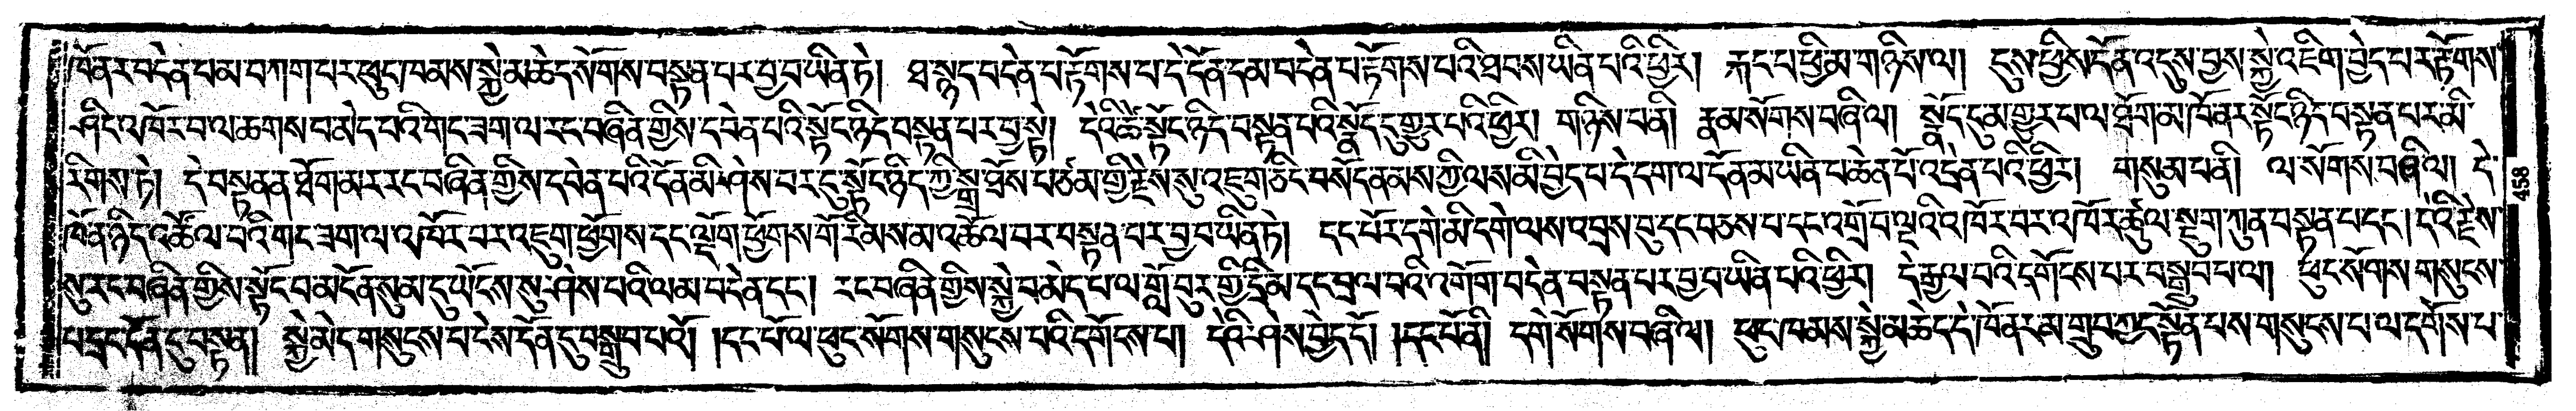ཁོ་ནར་བདེན་པ་མ་བཀག་པར་ཕུང་ཁམས་སྐྱེ་མཆེད་སོགས་བསྟན་པར་བྱ་བ་ཡིན་ཏེ། ཐ་སྙད་བདེན་པ་རྟོགས་པ་དེ་དོན་དམ་བདེན་པ་རྟོགས་པའི་ཐབས་ཡིན་པའི་ཕྱིར། རྐང་པ་ཕྱི་མ་གཉིས་ལ། དུས་ཕྱིས་དོན་འདུས་བྱས་སྐྱེ་འཇིག་བྱེད་པར་རྟོགས་
ཤིང་འཁོར་བ་ལ་ཆགས་པ་མེད་པའི་གང་ཟག་ལ་རང་བཞིན་གྱིས་དབེན་པའི་སྟོང་ཉིད་བསྟན་པར་བྱ་སྟེ། དེའི་ཚེ་སྟོང་ཉིད་བསྟན་པའི་སྣོད་དུ་གྱུར་པའི་ཕྱིར། གཉིས་པ་ནི། རྣམ་སོགས་བཞི་ལ། སྣོད་དུ་མ་གྱུར་པ་ལ་ཐོག་མ་ཁོ་ནར་སྟོང་ཉིད་བསྟན་པར་མི་
རིགས་ཏེ། དེ་བསྟན་ན་ཐོག་མར་རང་བཞིན་གྱིས་དབེན་པའི་དོན་མི་ཤེས་པར་དུ་སྟོང་ཉིད་ཀྱི་སྒྲ་ཐོས་པ་ཙམ་གྱི་རྗེས་སུ་འཇུག་ཅིང་བསོད་ནམས་ཀྱི་ལས་མི་བྱེད་པ་དེ་དག་ལ་དོན་མ་ཡིན་པ་ཆེན་པོ་འདྲེན་པའི་ཕྱིར། གསུམ་པ་ནི། ལ་སོགས་བཞི་ལ། དེ་
ཁོ་ན་ཉིད་འཚོལ་བའི་གང་ཟག་ལ་འཁོར་བར་འཇུག་ཕྱོགས་དང་ལྡོག་ཕྱོགས་གོ་རིམས་མ་འཆོལ་བར་བསྟན་པར་བྱ་བ་ཡིན་ཏེ། དང་པོར་དགེ་མི་དགེ་ལས་འབྲས་བུ་དང་བཅས་པ་དང་འགྲོ་བ་ལྔའི་འཁོར་བར་འཁོར་ཚུལ་སྡུག་ཀུན་བསྟན་པ་དང་། དེའི་རྗེས་
སུ་རང་བཞིན་གྱིས་སྟོང་པ་མངོན་སུམ་དུ་ཡོངས་སུ་ཤེས་པའི་ལམ་བདེན་དང་། རང་བཞིན་གྱིས་སྐྱེ་བ་མེད་པ་ལ་གློ་བུར་གྱི་དྲི་མ་དང་བྲལ་བའི་འགོག་བདེན་བསྟན་པར་བྱ་བ་ཡིན་པའི་ཕྱིར། དེ་རྒྱལ་བའི་དགོངས་པར་བསྒྲུབ་པ་ལ། ཕུང་སོགས་གསུངས་
པ་དྲང་དོན་དུ་བསྟན། སྐྱེ་མེད་གསུངས་པ་ངེས་དོན་དུ་བསྒྲུབ་པའོ། །དང་པོ་ལ་ཕུང་སོགས་གསུངས་པའི་དགོངས་པ། དེའི་ཤེས་བྱེད་དོ། །དང་པོ་ནི། དགེ་སོགས་བཞི་ལ། ཕུང་ཁམས་སྐྱེ་མཆེད་དེ་ཁོ་ནར་མ་གྲུབ་ཀྱང་སྟོན་པས་གསུངས་པ་ལ་དགོས་པ་